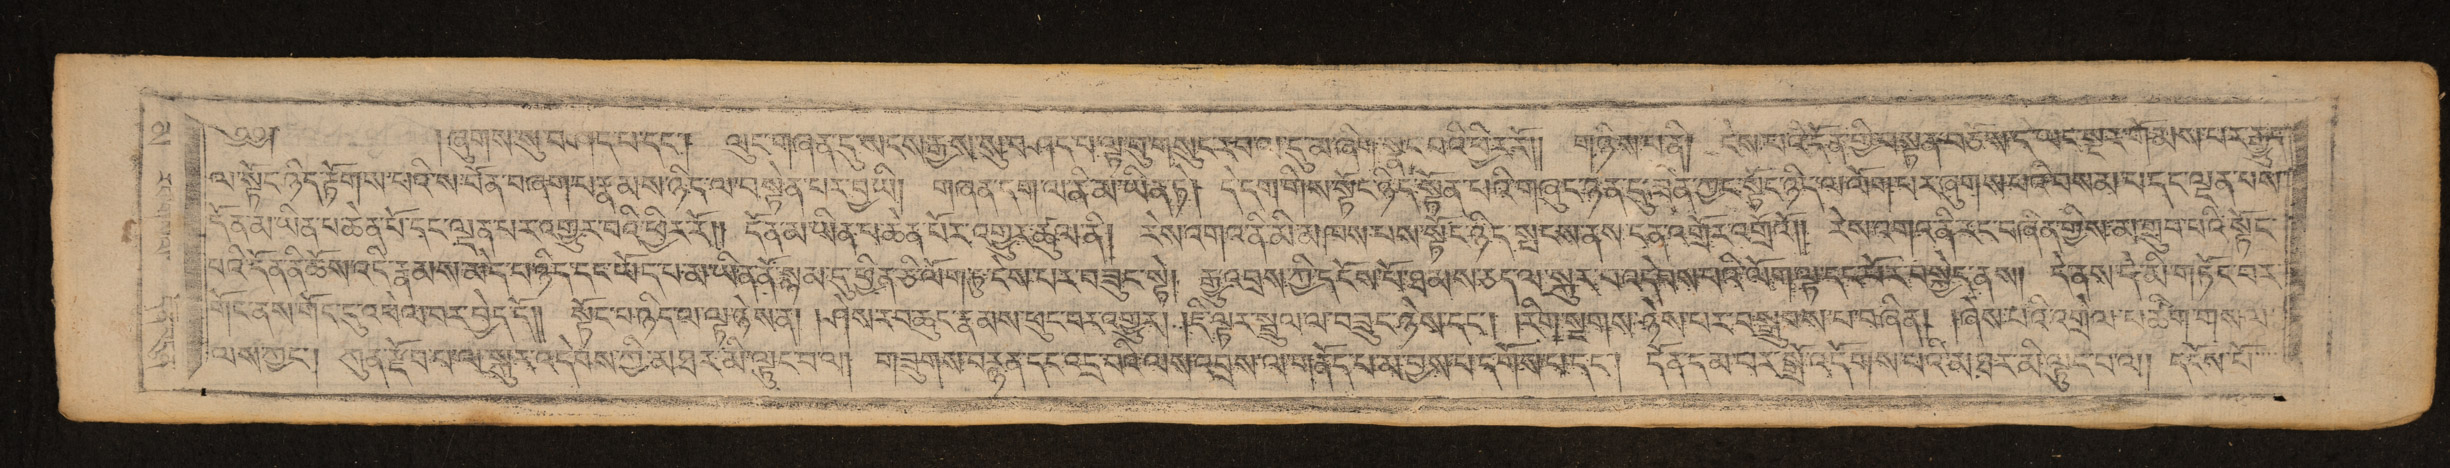༄༅། །ཞུགས་སུ་བཤད་པ་དང་། ལུང་གཞན་དུ་སངས་རྒྱས་སུ་བཤད་པ་ལྟ་བུ་གསུང་རབ་ལ་དུ་མ་ཞིག་སྣང་པའི་ཕྱིར་རོ།། གཉིས་པ་ནི། ངེས་པའི་དོན་གྱི་བསྟན་བཅོས་དེ་ཡང་སྔར་གོམས་པར་རྒྱུད་
ལ། སྟོང་ཉིད་རྟོགས་པའི་ས་བོན་བཞག་བ་རྣམས་ཉིད་ལ་བསྟེན་པར་བྱ་ཡི། གཞན་དག་ལ་ནི་མ་ཡིན་ཏེ། དེ་དག་གིས་སྟོང་ཉིད་སྟོན་པའི་གཞུང་ཉན་དུ་ཟིན་ཀྱང་སྟོང་ཉིད་ལ་ལོག་པར་ཞུགས་པའི་བསམ་པ་དང་ལྡན་པས་
དོན་མ་ཡིན་པ་ཆེན་པོ་དང་ལྡན་པར་འགྱུར་བའི་ཕྱིར་རོ།། དོན་མ་ཡིན་པ་ཆེན་པོར་འགྱུར་ཚུལ་ནི། རེས་འགའ་ནི་མི་མཁས་པས་སྟོང་ཉིད་སྤངས་ནས་ངན་འགྲོར་འགྲོའོ།། རེས་འགའ་ནི་རང་བཞིན་གྱིས་མ་གྲུབ་པའི་སྟོང་
པའི་དོན་ནི་ཆོས་འདི་རྣམས་མེད་པ་ཉིད་དང་ཡོད་པ་མ་ཡིན་ནོ་སྙམ་དུ་ཕྱིན་ཅི་ལོག་ཏུ་ངེས་པར་བཟུང་སྟེ། རྒྱུ་འབྲས་ཀྱི་དངོས་པོ་ཐམས་ཅད་ལ་སྐུར་པ་འདེབས་པའི་ལོག་ལྟ་དང་པོར་བསྐྱེད་ནས། དེ་ནས་དེ་མི་གཏོང་བར་
གོང་ནས་གོང་དུ་འཕེལ་བར་བྱེད་དོ།། སྟོང་པ་ཉིད་ལ་ལྟ་ཉེས་ན། །ཤེས་རབ་ཆུང་རྣམས་ཕུང་བར་འགྱུར། །ཇི་ལྟར་སྦྲུལ་ལ་བཟུང་ཉེས་དང་། །རིག་སྔགས་ཉེས་པར་བསྒྲུབས་པར་བཞིན། །ཞེས་པའི་འགྲེལ་པ་ཚིག་གསལ་
ལས་ཀྱང་། ཀུན་རྫོབ་པ་ལ་སྐུར་འདེབས་ཀྱི་མཐར་མི་ལྟུང་བ་ལ། གཟུགས་བརྙན་དང་འདྲ་བའི་ལས་འབྲས་ལ་གནོད་པ་མ་བྱས་པ་དགོས་པ་དང་། དོན་དམ་པར་སྒྲོ་འདོགས་པའི་མཐར་མི་ལྟུང་བ་ལ། དངོས་པོ་